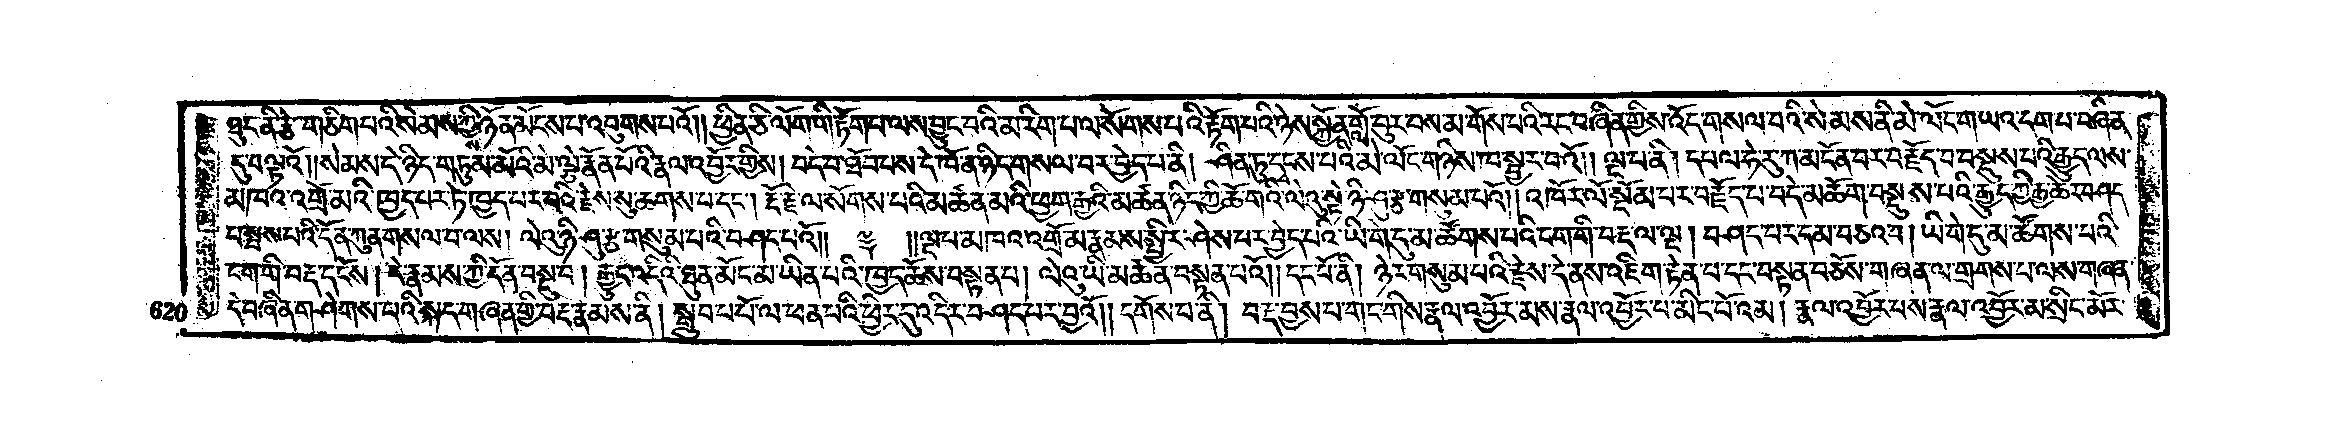ཐུང་ནི་རྩེ་གཅིག་པའི་སེམས་ཀྱིས་ཉོན་མོངས་པ་འབུགས་པའོ། །ཕྱིན་ཅི་ལོག་གི་རྟོག་པ་ལས་བྱུང་བའི་མ་རིག་པ་ལ་སོགས་པའི་རྟོག་པའི་ཉེས་སྐྱོན་གློ་བུར་བས་མ་གོས་པའི་རང་བཞིན་གྱིས་འོད་གསལ་བའི་སེམས་ནི་མེ་ལོང་གཡའ་དག་པ་བཞིན་
དུ་བལྟའོ། །སེམས་དེ་ཉིད་གཏུམ་མོའི་མེ་ལྕེ་རྣོན་པོའི་རྣལ་འབྱོར་གྱིས། བདེ་བ་ཐོབ་པས་དེ་ཁོ་ན་ཉིད་གསལ་བར་བྱེད་པ་ནི། ཤིན་ཏུ་དྭངས་པའི་མེ་ལོང་གཉིས་ཁ་སྦྱར་བའོ། །ལྔ་པ་ནི། དཔལ་ཧེ་རུ་ཀ་མངོན་བར་བརྗོད་བ་བསྡུས་པའི་རྒྱུད་ལས་
མཁའ་འགྲོ་མའི་ཁྱད་པར་ཏེ་ཁྱད་པར་བའི་རྗེས་སུ་ཆགས་པ་དང་། རྡོ་རྗེ་ལ་སོགས་པའི་མཚན་མའི་ཕྱག་རྒྱའི་མཚན་ཉིད་ཀྱི་ཆོ་གའི་ལེའུ་སྟེ་ཉི་ཤུ་རྩ་གསུམ་པའོ། །འཁོར་ལོ་སྡོམ་པར་བརྗོད་པ་བདེ་མཆོག་བསྡུས་པའི་རྒྱུད་ཀྱི་རྒྱ་ཆེར་བཤད་
པ་སྦས་པའི་དོན་ཀུན་གསལ་བ་ལས། ལེའུ་ཉི་ཤུ་རྩ་གསུམ་པའི་བཤད་པའོ།། ༈ །།ལྔ་པ་མཁའ་འགྲོ་མ་རྣམས་སྤྱིར་ཤེས་པར་བྱེད་པའི་ཡི་གེ་དུ་མ་ཚོགས་པའི་ངག་གི་བརྡ་ལ་ལྔ། བཤད་པར་དམ་བཅའ་བ། ཡི་གེ་དུ་མ་ཚོགས་པའི་
ངག་གི་བརྡ་དངོས། དེ་རྣམས་ཀྱི་དོན་བསྡུ་བ། རྒྱུད་འདིའི་ཐུན་མོང་མ་ཡིན་པའི་ཁྱད་ཆོས་བསྟན་པ། ལེའུ་ཡི་མཚན་བསྟན་པའོ། །དང་པོ་ནི། ཉེར་གསུམ་པའི་རྗེས་དེ་ནས་འཇིག་རྟེན་པ་དང་བསྟན་བཅོས་གཞན་ལ་གྲགས་པ་ལས་གཞན་
དེ་བཞིན་གཤེགས་པའི་སྐད་གཞན་གྱི་བརྡ་རྣམས་ནི། སྒྲུབ་པ་པོ་ལ་ཕན་པའི་ཕྱིར་དུ་འདིར་བཤད་པར་བྱའོ། །དགོས་པ་ནི། བརྡ་བྱས་པ་གང་གིས་རྣལ་འབྱོར་མས་རྣལ་འབྱོར་པ་མིང་པོ་འམ། རྣལ་འབྱོར་པས་རྣལ་འབྱོར་མ་སྲིད་མོར་